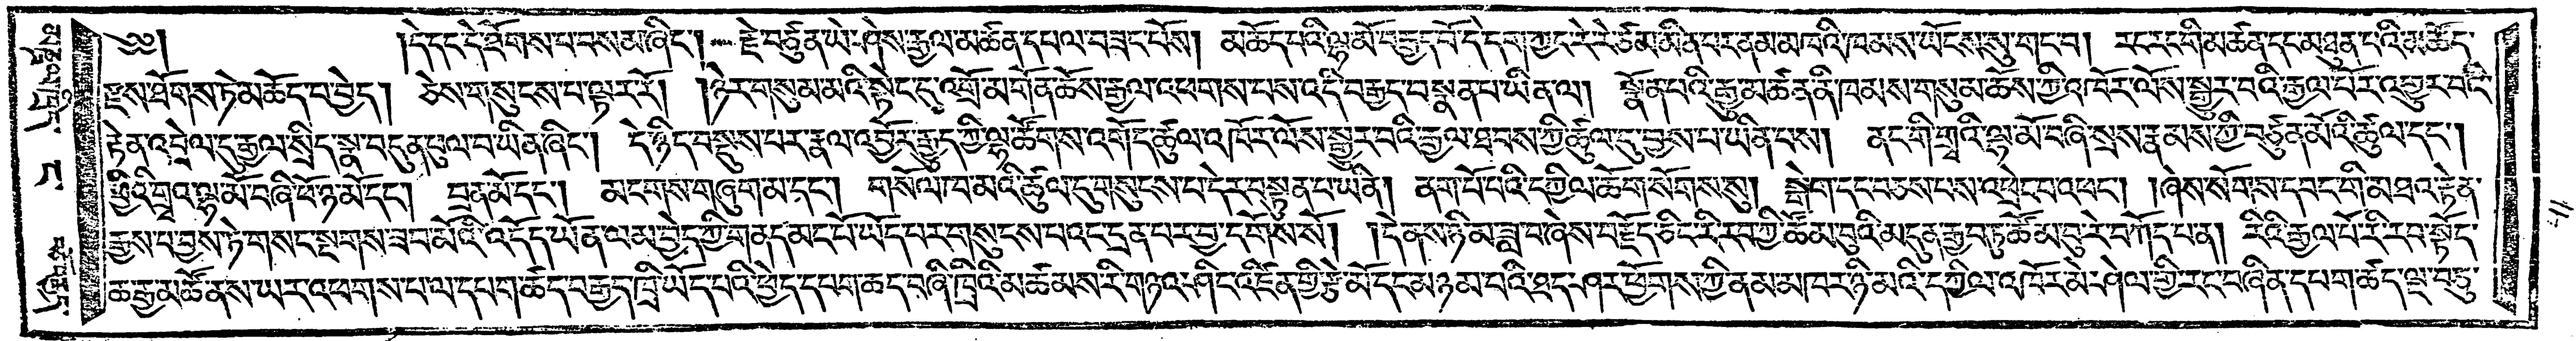༄༅། །དེ་དང་དེ་ཐོགས་པ་བསམ་ཞིང་། རྗེ་བཙུན་ཡེ་ཤེས་རྒྱལ་མཚན་དཔལ་བཟང་པོས། མཆོད་པའི་ལྷ་མོ་བརྒྱད་པོ་དེ་དག་ཀྱང་རེ་རེ་ཙམ་མིན་པར་ནམ་མཁའི་ཁམས་ཡོངས་སུ་གང་བ། རང་རང་གི་མཚན་དང་མཐུན་པའི་མཆོད་
རྫས་ཐོགས་ཏེ་མཆོད་བ་བྱེད། ཅེས་གསུངས་པ་ལྟར་རོ། །ཉེར་གསུམ་མའི་སྟེང་དུ་འགྲོ་མགོན་ཆོས་རྒྱལ་འཕགས་པས་འདི་བརྒྱད་བསྣན་པ་ཡིན་ལ། སྣོན་པའི་རྒྱུ་མཚན་ནི་ཁམས་གསུམ་ཆོས་ཀྱི་འཁོར་ལོས་སྒྱུར་བའི་རྒྱལ་པོར་འགྱུར་བའི་
རྟེན་འབྲེལ་དུ་རྒྱལ་སྲིད་སྣ་བདུན་དུ་?་བ་ཡིན་ཞིང་། དེ་ཉིད་བསྡུས་པར་རྣལ་འབྱོར་རྒྱུད་ཀྱི་ལྷ་ཚོགས་འགོད་ཚུལ་འཁོར་ལོས་སྒྱུར་བའི་རྒྱལ་ཐབས་ཀྱི་ཚུལ་དུ་བྱས་པ་ཡིན་པས། ནང་གི་གྲྭའི་ལྷ་མོ་བཞི་སྲས་རྣམས་ཀྱི་བཙུན་མོའི་ཚུལ་དང་།
ཕྱིའི་གྲྭའ་ལྷ་མོ་བཞི་པོ་ཉ་མོ་དང་། བྲན་མོ་དང་། མངགས་གཞུག་མ་དང་། གསོལ་ཁ་མའི་ཚུལ་དུ་གསུངས་པ་དེར་བསྟུན་པ་ཡིན། ནག་པོ་པའི་དཀྱིལ་ཆོག་སོགས་སུ། སྒེག་དང་བཅས་པས་འཕྲེང་བ་འཕང་། །ཞེས་སོགས་དབང་གི་མཐའ་རྟེན་
རྒྱས་པ་བྱས་ཏེ་གསང་སྔགས་ཟབ་མོའི་འདོད་ཡོན་ལམ་བྱེད་ཀྱི་གནད་མང་པོ་ཡོད་པར་གསུངས་པའང་དྲན་པར་བྱ་དགོས་སོ། །དེ་ནས་ཉི་མ་ཟླ་བ་ཞེས་བརྗོད་ཅིང་རི་རབ་ཀྱི་ཚོམ་བུའི་མདུན་རྒྱབ་ཏུ་ཚོམ་བུ་རེ་བཀོད་པ་ན། རིའི་རྒྱལ་པོ་རི་རབ་སྟོད་
ཆ་རྒྱ་མཚོ་ནས་ཡར་འཕགས་པ་ལ་དཔག་ཚད་པ་རྒྱད་ཁྲི་ཡོད་པའི་ཕྱེད་དཔག་ཆད་བཞི་ཁྲིའི་མཚམས་རི་གཉའ་ཤིང་འཛིན་གྱི་རྩེ་མོ་དང་མཉམ་པའི་ཐད་ཤར་ཕྱོགས་ཀྱི་ནམ་མཁར་ཉི་མའི་དཀྱིལ་འཁོར་མེ་ཤེལ་གྱི་རང་བཞིན་དཔག་ཚད་ལྔ་བཅུ་